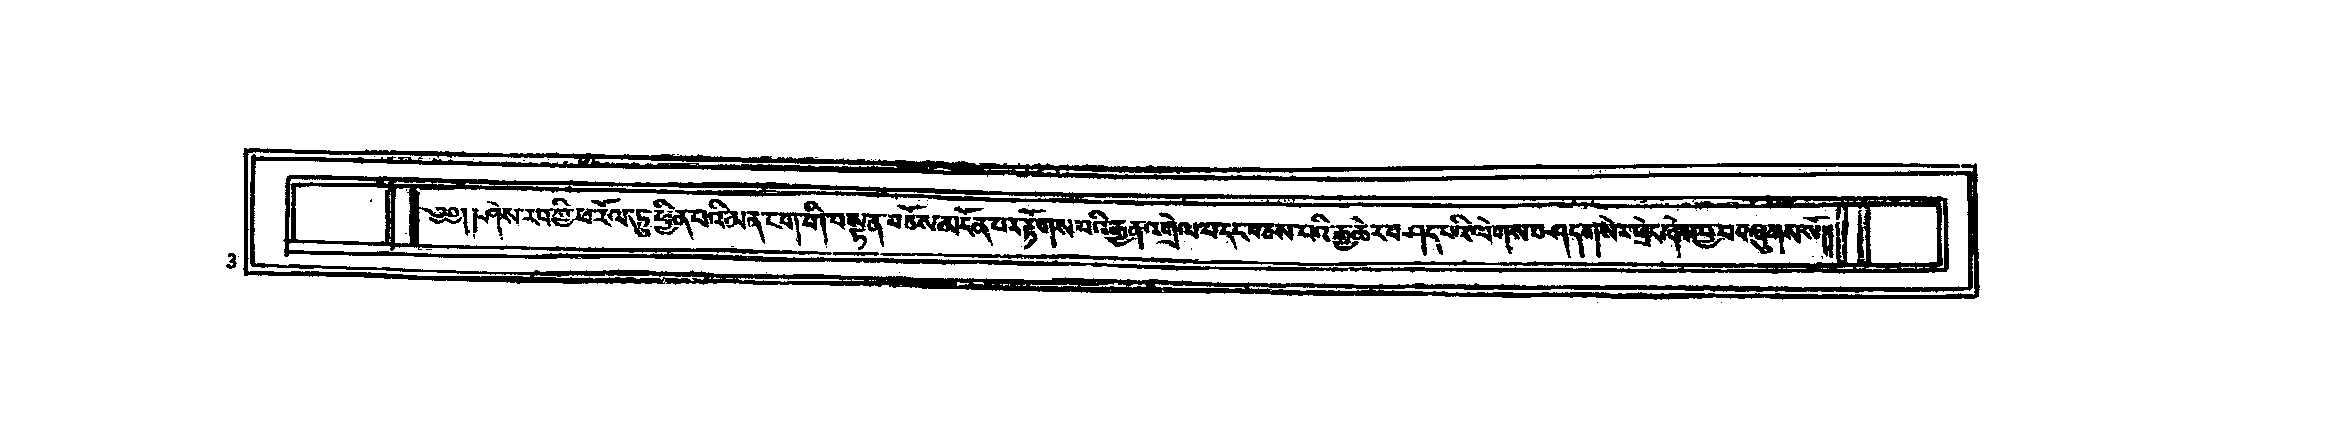??༄༅། ཤེལ་ཆོས།??
༄༅། །ཤེས་རབ་ཀྱི་ཕ་རོལ་ཏུ་ཕྱིན་པའི་མན་ངག་གི་བསྟན་བཅོས་མངོན་པར་རྟོགས་པའི་རྒྱན་འགྲེལ་པ་དང་བཅས་པའི་རྒྱ་ཆེར་བཤད་པའི་ལེགས་བཤད་གསེར་ཕྲེང་ཞེས་བྱ་བ་བཞུགས་སོ། །